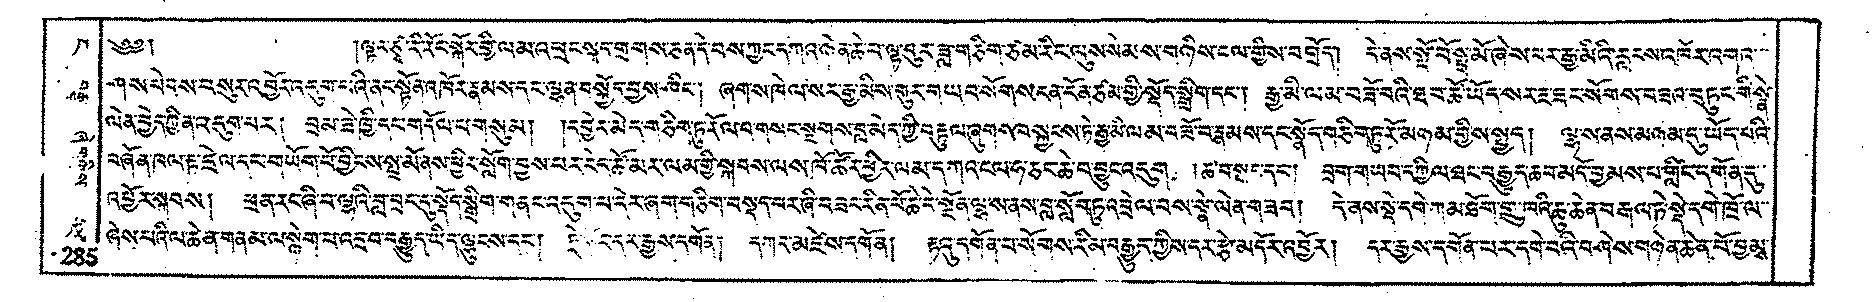༄༅། །ལྟར་ཙྭ་རི་རོང་སྐོར་གྱི་ལམ་འཕྲང་སྐད་གྲགས་ཅན་དེ་བས་ཀྱང་དཀའ་ཉེན་ཆེ་བ་ལྟ་བུར་ཟླ་གཅིག་ཙམ་རིང་ལུས་སེམས་གཉིས་ངལ་གྱིས་བགྲོད། དེ་ནས་སྤོ་བོ་སྤྲ་མོ་ཞེས་པར་རྒྱ་མིའི་རླངས་འཁོར་འགའ་
ཤས་ཕེབས་བསུར་འབྱོར་འདུག་པའི་ནང་སྟོན་འཁོར་རྣམས་དང་ལྷན་བསྐྱོད་བྱས་ཤིང་། ཞག་ས་ཁེལ་སར་རྒྱ་མིས་གུར་གཡབ་སོགས་ངན་ངོན་ཙམ་གྱི་སྡོད་སྒྲིག་དང་། རྒྱ་མི་ལམ་བཟོ་བའི་ཐབ་ཚོ་ཡོད་སར་ཇ་ཐང་སོགས་བཟའ་བཏུང་གི་སྣེ་
ལེན་བྱེད་ཀྱིན་འདུག་པར། བྲམ་ཟེ་ཁྱི་དང་གདོལ་པ་གསུམ། །དབྱེར་མེད་གཅིག་ཏུ་རོལ་བ་གསང་སྔགས་བླ་མེད་ཀྱི་བརྟུལ་ཞུགས་བསྐྱངས་ཏེ་རྒྱ་མི་ལམ་བཟོ་བ་རྣམས་དང་སྣོད་གཅིག་ཏུ་རོ་མཉམ་གྱིས་སྤྱད། ལྷ་ས་ནས་མཉམ་དུ་ཡོད་པའི་
བཞོན་ཁལ་རྟ་དརདལ་དང་གཡོག་པོ་བྱིངས་སྤྲ་མོ་ནས་ཕྱིར་སློག་བྱས་པར་ངེད་ཚོ་མར་ལམ་གྱི་སྐབས་ལས་ཁོ་ཚོར་ཕྱིར་ལམ་དཀའ་ངལ་ཧ་ཅང་ཆེ་བ་བྱུང་འདུག །ཆ་བ་སྤང་དབག། བྲག་གབ་དཀྱིལ་ཐང་བརྒྱུད་ཆབ་མདོ་བྱམས་པ་གླིང་དགོན་དུ་
འབྱོར་སྐབས། ཕྲན་རང་ཞི་བ་ལྷའི་བླ་བྲང་དུ་སྡོད་སྒྲིག་གནང་འདུག་པ་དེར་ཞག་གཅིག་བསྡད་པར་ཞི་བཟང་རིན་པོ་ཆེདེ་སྔོན་ལྷ་ས་ནས་བླ་སློབ་ཏུ་འབྲེལ་བས་སྣེ་ལེན་གཟབ། དེ་ནས་སྡེ་དགེ་ཀམ་ཐོག་གྲུ་ཁའི་ཆུ་ཆེན་བགལ་ཏེ་སྡེ་དགེ་ཁར་ལ་

ཞེས་པའི་ལ་ཆེ་དགོན་པར་དགེ་བའི་བཤེས་གཉེན་ཆེན་པོ་བྱམས་